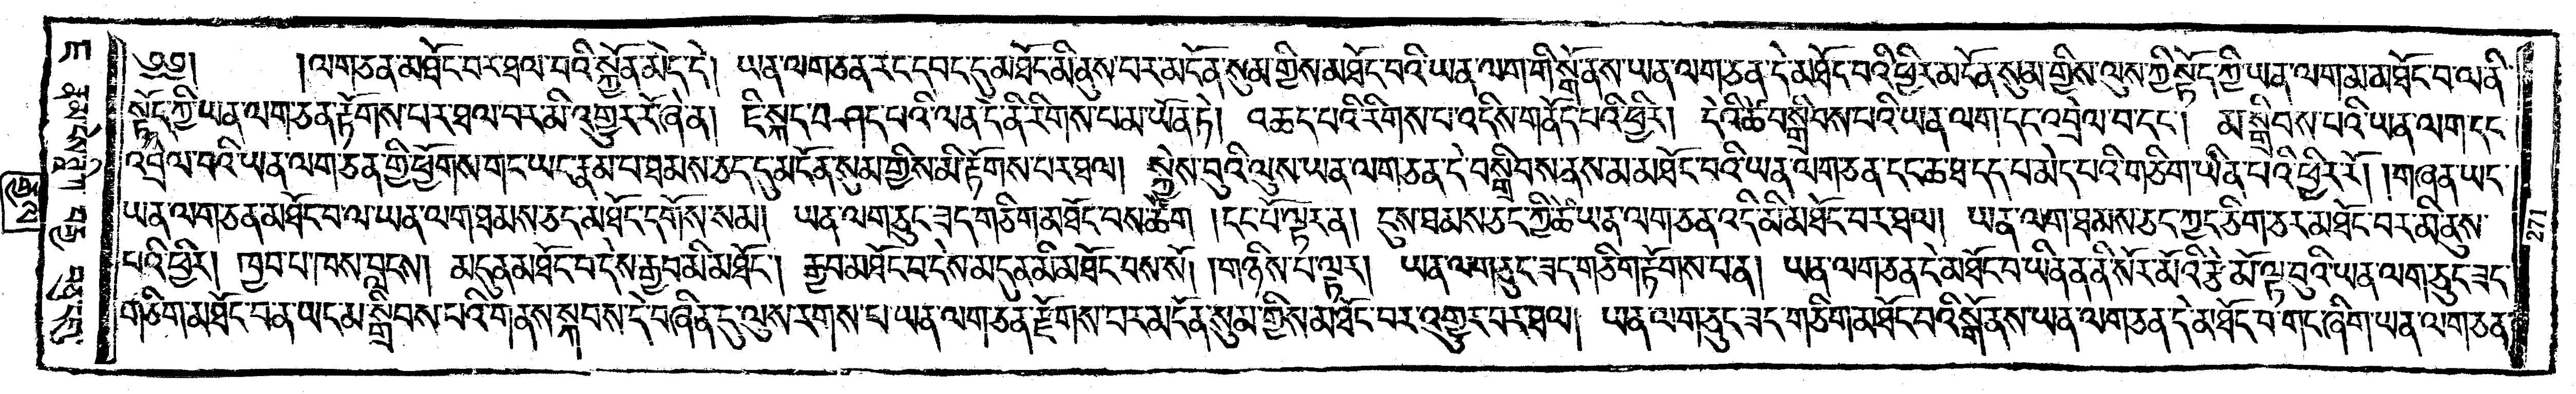༄༅། །ལག་ཅན་མཐོང་བར་ཐལ་བའི་སྐྱོན་མེད་དེ། ཡན་ལག་ཅན་རང་དབང་དུ་མཐོང་མི་ནུས་པར་མངོན་སུམ་གྱིས་མཐོང་བའི་ཡན་ལག་གི་སྒོ་ནས་ཡན་ལག་ཅན་དེ་མཐོང་བའི་ཕྱིར་མངོན་སུམ་གྱིས་ལུས་ཀྱི་སྟོད་ཀྱི་ཡན་ལག་མ་མཐོང་བ་ལ་ནི་
སྟོད་ཀྱི་ཡན་ལག་ཅན་རྟོགས་པར་ཐལ་བར་མི་འགྱུར་རོ་ཞེ་ན། ཇི་སྐད་བཤད་པའི་ལན་དེ་ནི་རིགས་པ་མ་ཡོན་ཏེ། འཆད་པའི་རིགས་པ་འདིས་གནོད་པའི་ཕྱིར། དེའི་ཚེ་བསྒྲིབས་པའི་ཡན་ལག་དང་འབྲེལ་བ་དང་། མ་སྒྲིབས་པའི་ཡན་ལག་དང་
འབྲེལ་བའི་ཡན་ལག་ཅན་གྱི་ཕྱོགས་གང་ཡང་རྣམ་པ་ཐམས་ཅད་དུ་མངོན་སུམ་གྱིས་མི་རྟོགས་པར་ཐལ། སྐྱེས་བུའི་ལུས་ཡན་ལག་ཅན་དེ་བསྒྲིབས་ནས་མ་མཐོང་བའི་ཡན་ལག་ཅན་དང་ཆ་ཐ་དད་པ་མེད་པའི་གཅིག་ཡིན་པའི་ཕྱིར་རོ། །གཞན་ཡང་
ཡན་ལག་ཅན་མཐོང་བ་ལ་ཡན་ལག་ཐམས་ཅད་མཐོང་དགོས་སམ། ཡན་ལག་ཅུང་ཟད་གཅིག་མཐོང་བས་ཆོ་ག་?་།དང་པོ་ལྟར་ན། དུས་ཐམས་ཅད་ཀྱི་ཚེ་ཡན་ལག་ཅན་འདི་མི་མཐོང་བར་ཐལ། ཡན་ལག་ཐམས་ཅད་ཀྱང་ཅིག་ཅར་མཐོང་བར་མི་ནུས་
པའི་ཕྱིར། ཁྱབ་པ་ཁས་བླངས། མདུན་མཐོང་བ་དེས་རྒྱབ་མི་མཐོང་། རྒྱབ་མཐོང་བ་དེས་མདུན་མི་མཐོང་བས་སོ། །གཉིས་པ་ལྟར། ཡན་ལག་ཅུང་ཟད་གཅིག་རྟོགས་པ་ན། ཡན་ལག་ཅན་དེ་མཐོང་བ་ཡིན་ན་ནི་སོར་མོའི་རྩེ་མོ་ལྟ་བུའི་ཡན་ལག་ཅུང་ཟད་
གཅིག་མཐོང་བ་ན་ཡང་མ་སྒྲིབས་པའི་གནས་སྐབས་དེ་བཞིན་དུ་ལུས་རགས་པ་ཡན་ལག་ཅན་རྫོགས་པར་མངོན་སུམ་གྱིས་མཐོང་བར་འགྱུར་བར་ཐལ། ཡན་ལག་ཅུང་ཟད་གཅིག་མཐོང་བའི་སྒོ་ནས་ཡན་ལག་ཅན་དེ་མཐོང་བ་གང་ཞིག་ཡན་ལག་ཅན་